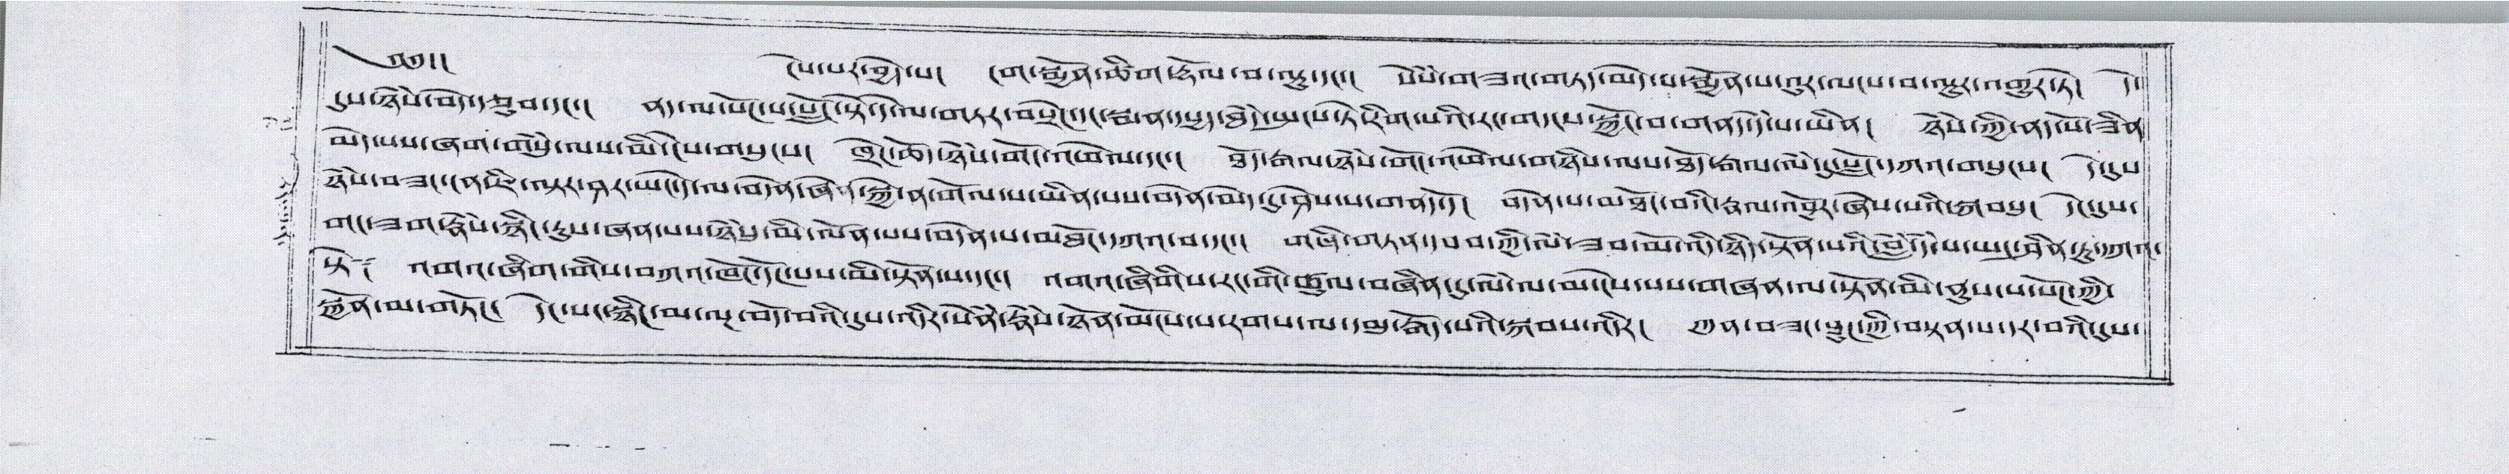ངེས་པར་བྱེད་པ། ངག་སྨྱོན་ཚིག་རྡོལ་བ་ལྟ་བུ་དང་། སེམས་གཟའ་གཏད་མེད་པ་སྨྱོན་པ་འུར་ལངས་པ་ལྟ་བུར་འགྱུར་ཏེ། དེ་
དུས་ཉམས་བདེ་རྩུབ་དང་། ནད་ལ་སོགས་པ་སློང་སྟེ་དེ་ལ་གཏར་བསྲེགས་དང་སྨན་དཔྱད་ཐམས་ཅད་སྤངས་ཏེ་རིག་པའི་རང་གདངས་སྐྱོང་བ་གནད་དམ་པ་ཡིན། ཉམས་ཀྱི་གནད་སོ་ཟིན་
མེད་པས་ཞག་གསུམ་ལས་མི་ངེས་གསུངས། ཁྲེགས་ཆོད་ཉམས་གོང་འཕེལ་དང་ཐོད་རྒལ་ཉམས་གོང་འཕེལ་གཉིས་ལས་ཐོད་རྒལ་ལམ་དུ་སློང་དཀའ་གསུངས། དེ་དུས་
ཉམས་བཟང་ངན་ཅི་ལྟར་ཤར་ཡང་དེ་ལ་བདེན་ཞེན་སྐྱེ་ན་གོལ་ས་ཡིན་པས་བདེན་མེད་དུ་ཤེས་པ་གནད་དོ། བདེན་པ་མཐོང་བའི་རྣལ་འབྱོར་ཞེས་པའི་སྐབས་སུ། དེང་དུས་
གང་ཟག་རྣམས་སྙིང་རུས་ཞན་པས་ཉམས་སུ་མི་ལེན་པས་བདེན་པ་མཐོང་དཀའ་བ་དང་། གཞི་གཏན་དབབ་ཀྱི་ལམ་ཟབ་མོ་འདི་ཉིད་སྟོན་པའི་བླ་མ་དམ་པ་ཡང་ཤིན་ཏུ་དཀའ་
སྟེ། འགའ་ཞིག་གིས་བཀའ་ཁོང་དོགས་པས་མི་སྟོན་པ་དང་། འགའ་ཞིག་གིས་རང་གིས་ཚུལ་བཞིན་དུ་ལམ་ལ་མ་ངེས་པས་གཞན་ལ་སྟོན་མི་ནུས་པ་སོགས་ཀྱི་
སྐྱོན་མ་གཏོགས། དེང་སང་སྙིགས་མ་ལྔ་བདོ་བའི་དུས་འདིར་སེམས་ཅན་རྣམས་ཉོན་མོངས་པ་རགས་ལ་དམུ་རྒོད་པའི་སྐབས་འདིར། ཀུན་བཟང་ཐུགས་ཀྱི་བསྟན་པ་དར་བའི་དུས་